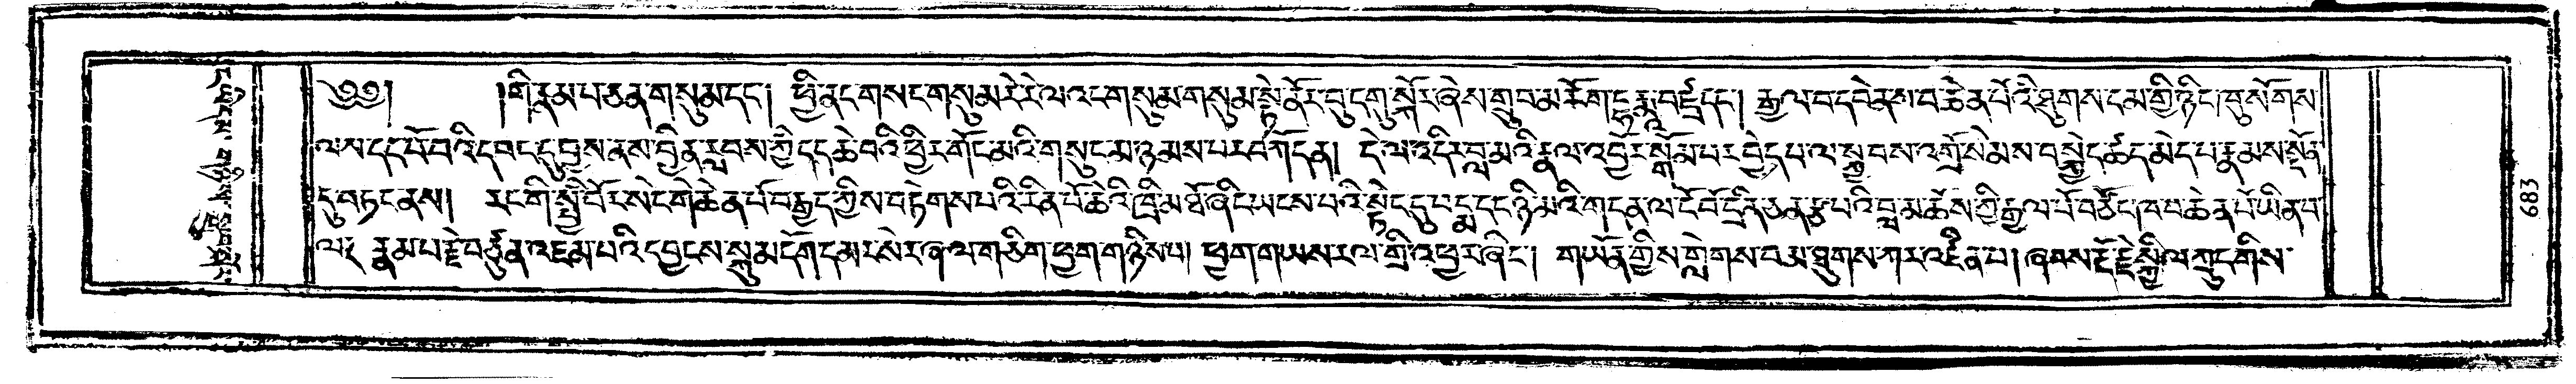༄༅། །གི་རྣམ་པ་ཅན་གསུམ་དང་། ཕྱི་ནང་གསང་གསུམ་རེ་རེ་ལའང་གསུམ་གསུམ་སྟེ་ནོར་བུ་དགུ་སྐོར་ཞེས་གྲུབ་མཆོག་དྷརྨཱ་བཛྲ་དང་། རྒྱལ་བ་དབེ་ནས་བ་ཆེན་པོའི་ཐུགས་དམ་གྱི་ཉིང་ཁུ་སོགས་
ལས་དང་པོ་བའི་དབང་དུ་བྱས་ནས་བྱིན་རླབས་ཀྱི་ངད་ཆེ་བའི་ཕྱིར་གོང་མའི་གསུང་མ་ཉམས་པར་བཀོད་ན། དེ་ལ་འདིར་བླ་མའི་རྣལ་འབྱོར་སྒོམ་པར་བྱེད་པ་ལ་སྐྱབས་འགྲོ་སེམས་བསྐྱེད་ཚད་མེད་པ་རྣམས་སྔོན་
དུ་བཏང་ནས། རང་གི་སྤྱི་བོར་སེང་གེ་ཆེན་པོ་བརྒྱད་ཀྱིས་བཏེགས་པའི་རིན་པོ་ཆེའི་ཁྲིམ་ཐོ་ཞིང་ཡངས་པའི་སྟེང་དུ་པདམ་དང་ཉི་མའི་གདན་ལ་ངོ་བོ་དྲིན་ཅན་རྩ་པའི་བླ་མ་ཆོས་ཀྱི་རྒྱལ་པོ་བཙོང་ཁ་པ་ཆེན་པོ་ཡིན་པ་
ལ༑ རྣམ་པ་རྗེ་བཙུན་འཇམ་པའི་དབྱངས་སྐུ་མདོག་དམར་སེར་ཞལ་གཅིག་ཕྱག་གཉིས་པ། ཕྱག་གཡས་རལ་གྲི་འཕྱར་ཞིང་། གཡོན་གྱིས་གླེགས་བམ་ཐུགས་ཀར་འཛིན་པ། ཞབས་རྡོ་རྗེ་སྐྱིལ་ཀྲུང་གིས་